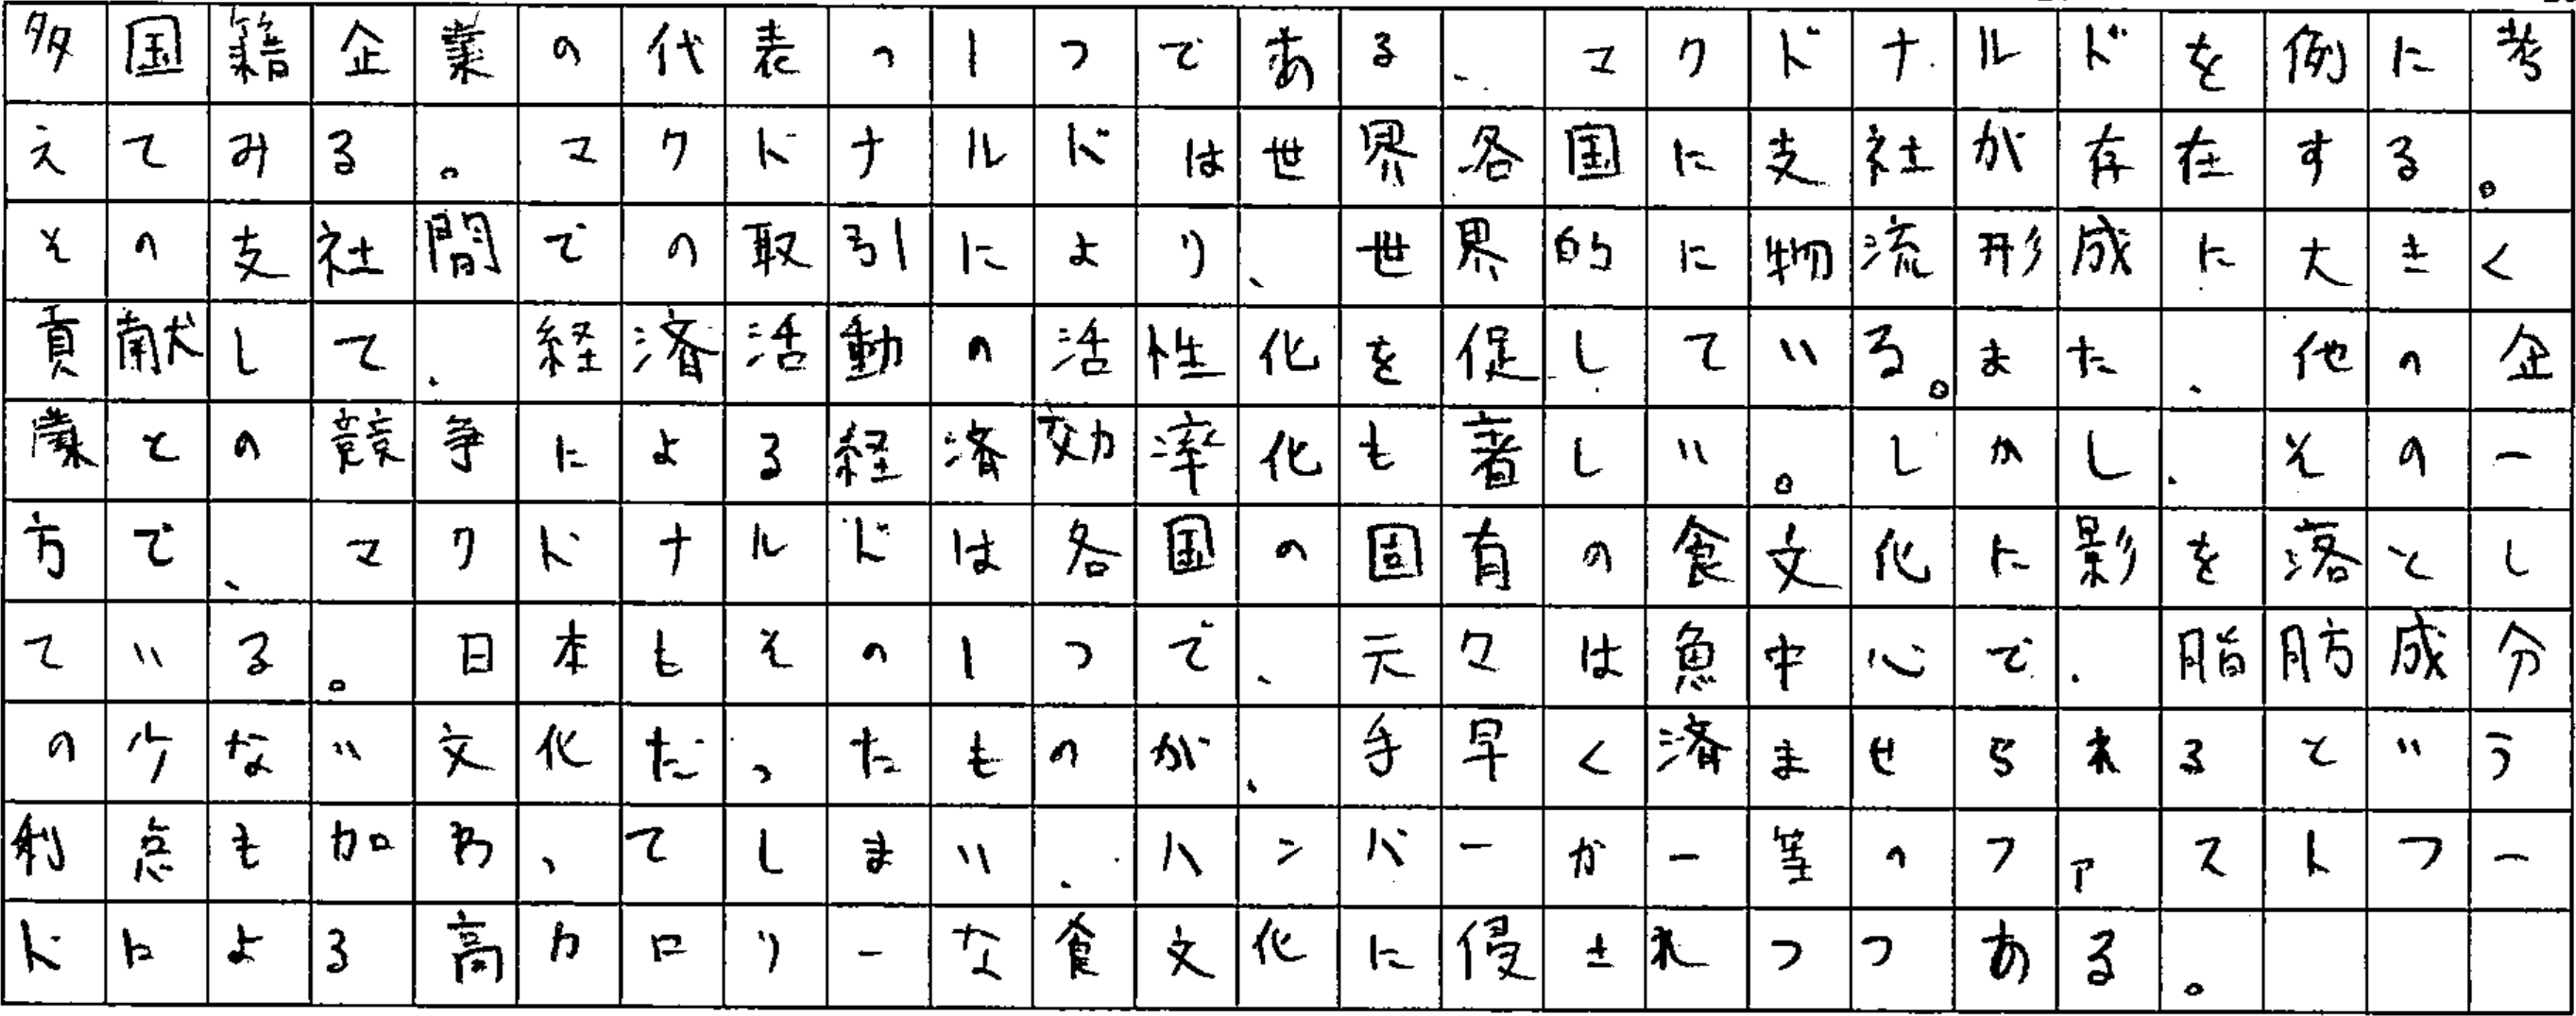多国籍企業の代表の１つである、マクドナルドを例に考えてみる。マクドナルドは世界各国に支社が存在する。その支社間での取引により、世界的に物流形成に大きく貢献して、経済活動の活性化を促している。また、他の企業との競争による経済効率化も著しい。しかし、その一方で、マクドナルドは各国の固有の食文化に影を落としている。日本もその一つで、元々は魚中心で、脂肪成分の少ない文化だったものが、手早く済ませられるという利点も加わってしまい、ハンバーガー等のファストフードによる高カロリーな食文化に侵されつつある。
